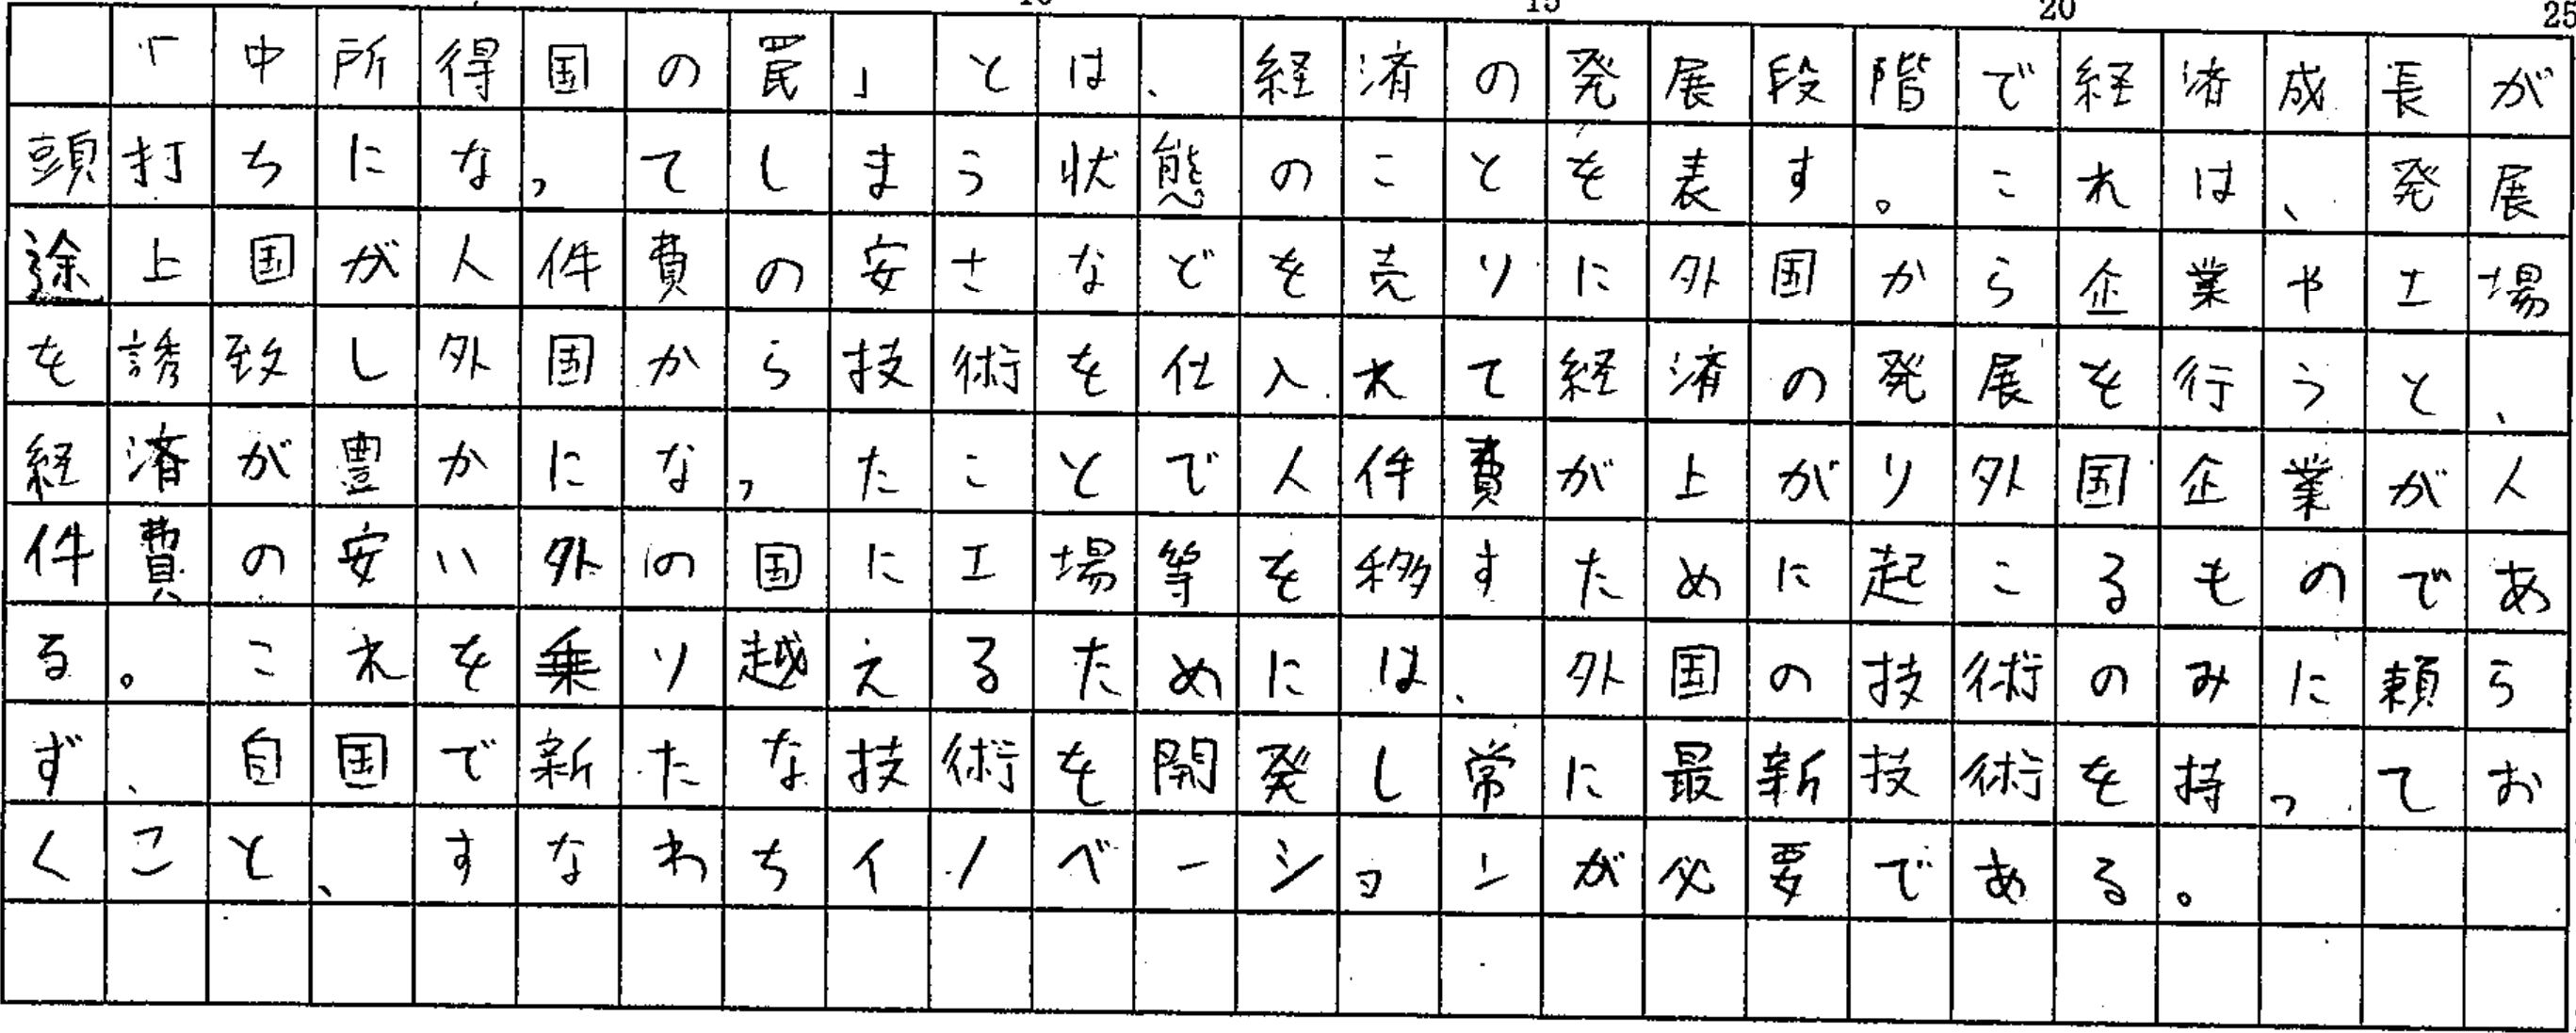　「中所得国の罠」とは、経済の発展段階で経済成長が頭打ちになってしまう状態のことを表す。これは、発展途上国が人件費の安さなどを売りに外国から企業や工場を誘致し外国から技術を仕入れて経済の発展を行うと、経済が豊かになったことで人件費が上がり外国企業が人件費の安い外の国に工場等を移すために起こるものである。これを乗り越えるためには、外国の技術のみに頼らず、自国で新たな技術を開発し常に最新技術を持っておくこと、すなわちイノベーションが必要である。
